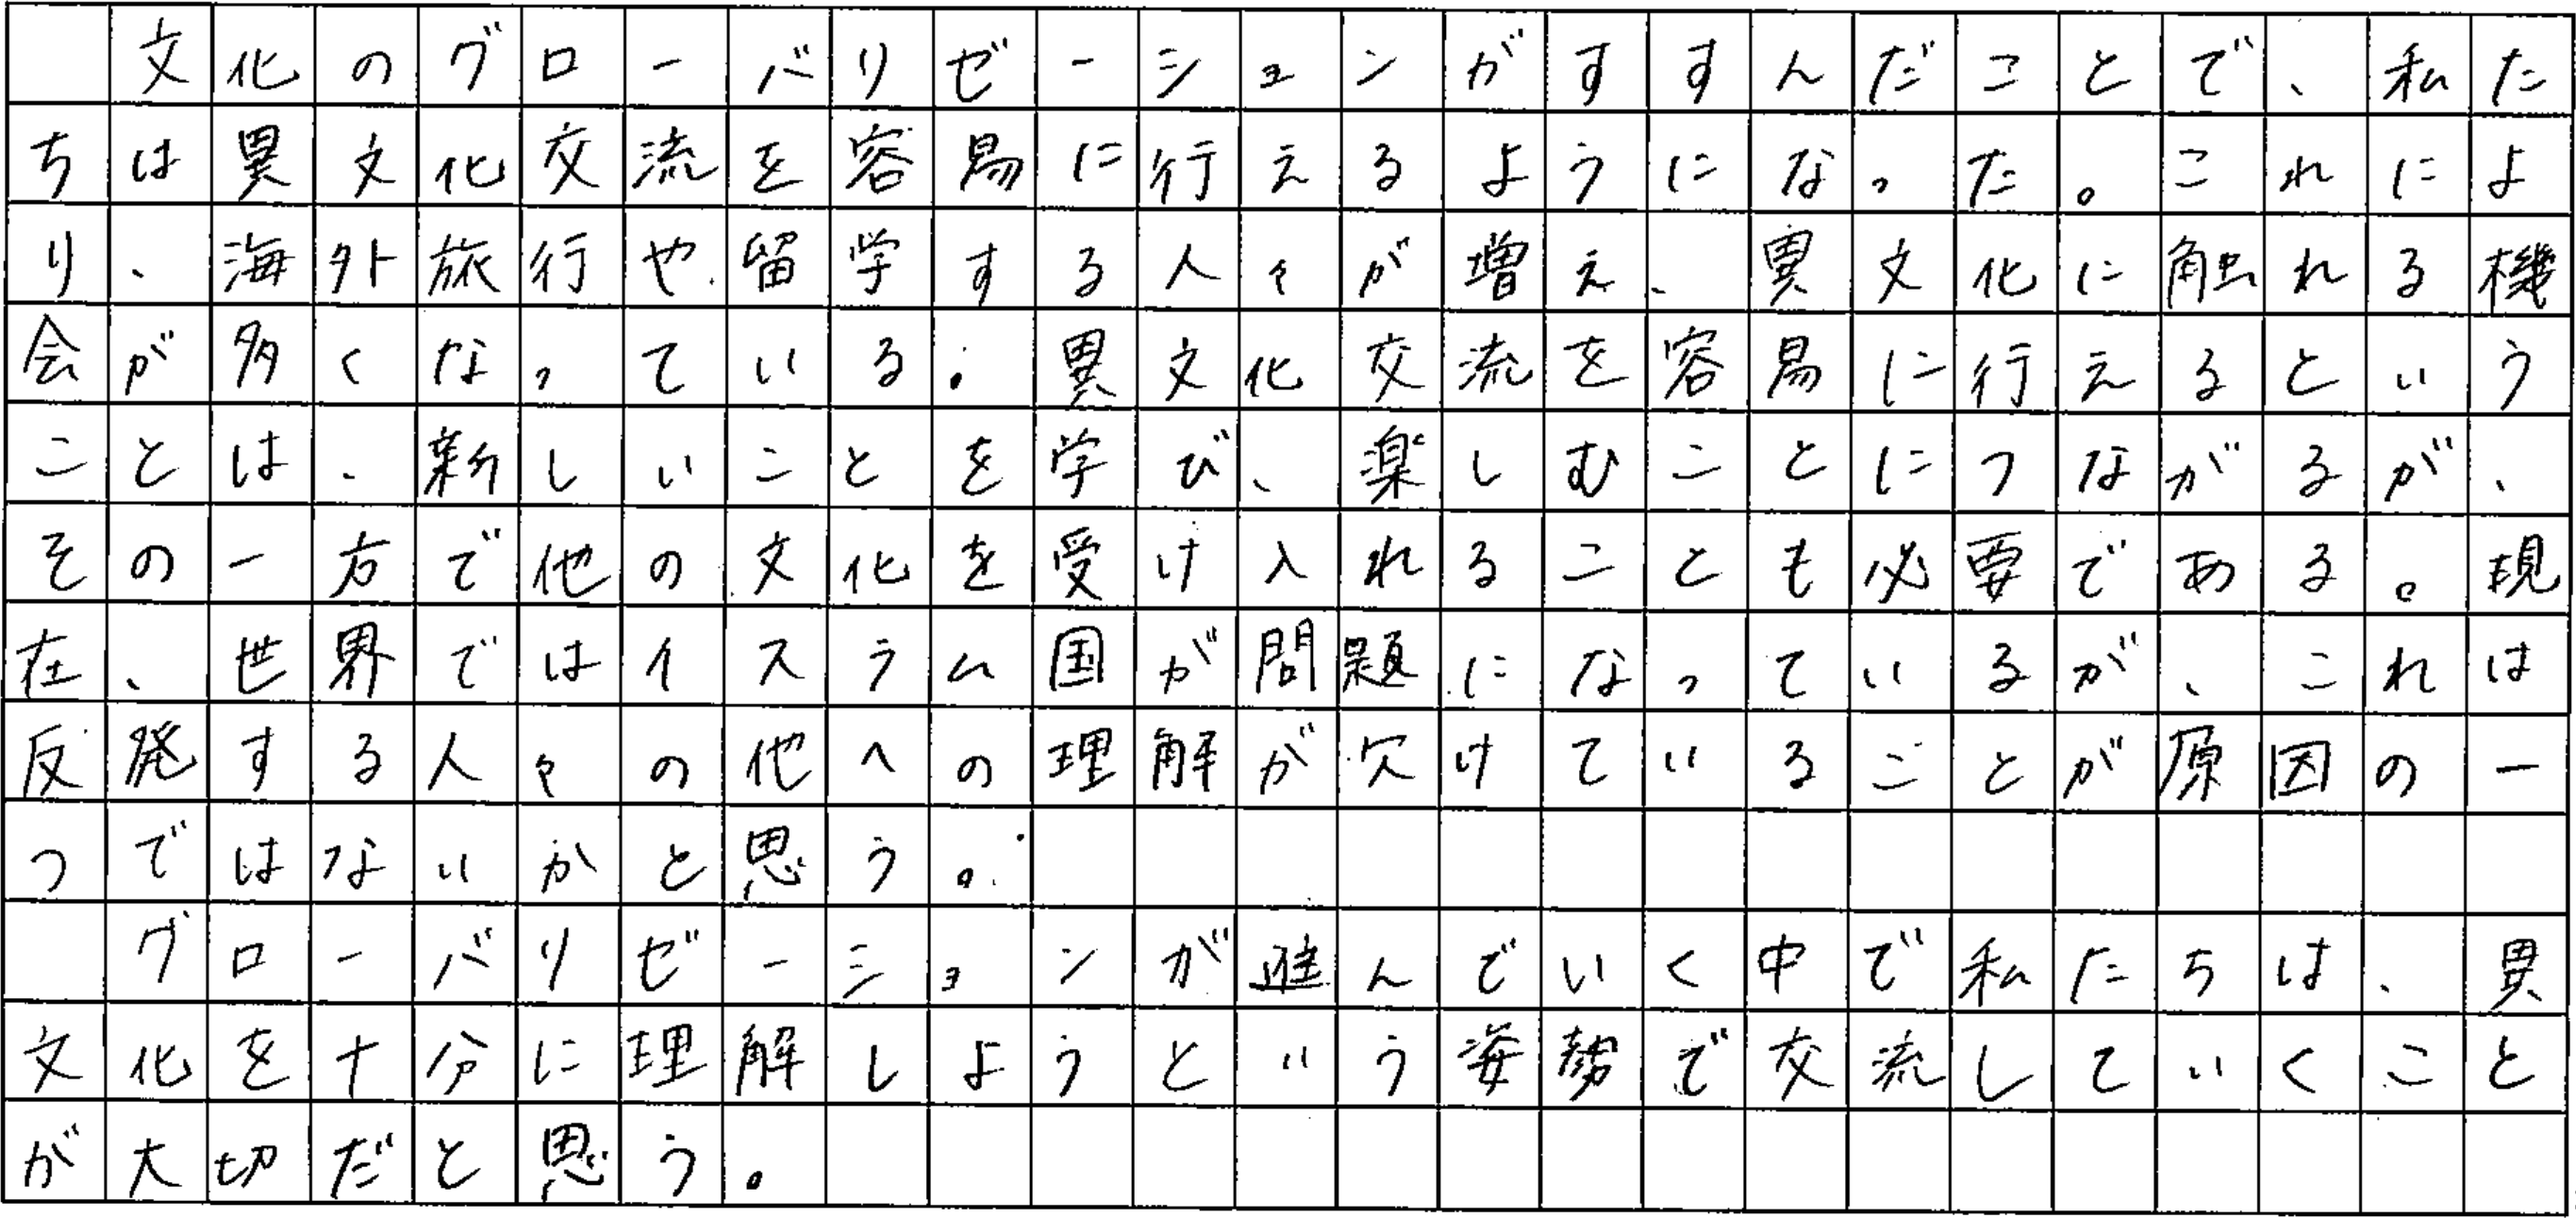　文化のグローバリゼーションがすすんだことで、私たちは異文化交流を容易に行えるようになった。これにより、海外旅行や留学をする人々が増え、異文化に触れる機会が多くなっている。異文化交流を容易に行えることは、新しいことを学び、楽しむことにつながるが、その一方で他の文化を受け入れることも必要である。現在、世界ではイスラム国が問題になっているが、これは反発する人々の他への理解が欠けていることが原因の一つではないかと思う。
　グローバリゼーションが進んでいく中で私たちは、異文化を十分に理解しようという姿勢で交流していくことが大切だと思う。
